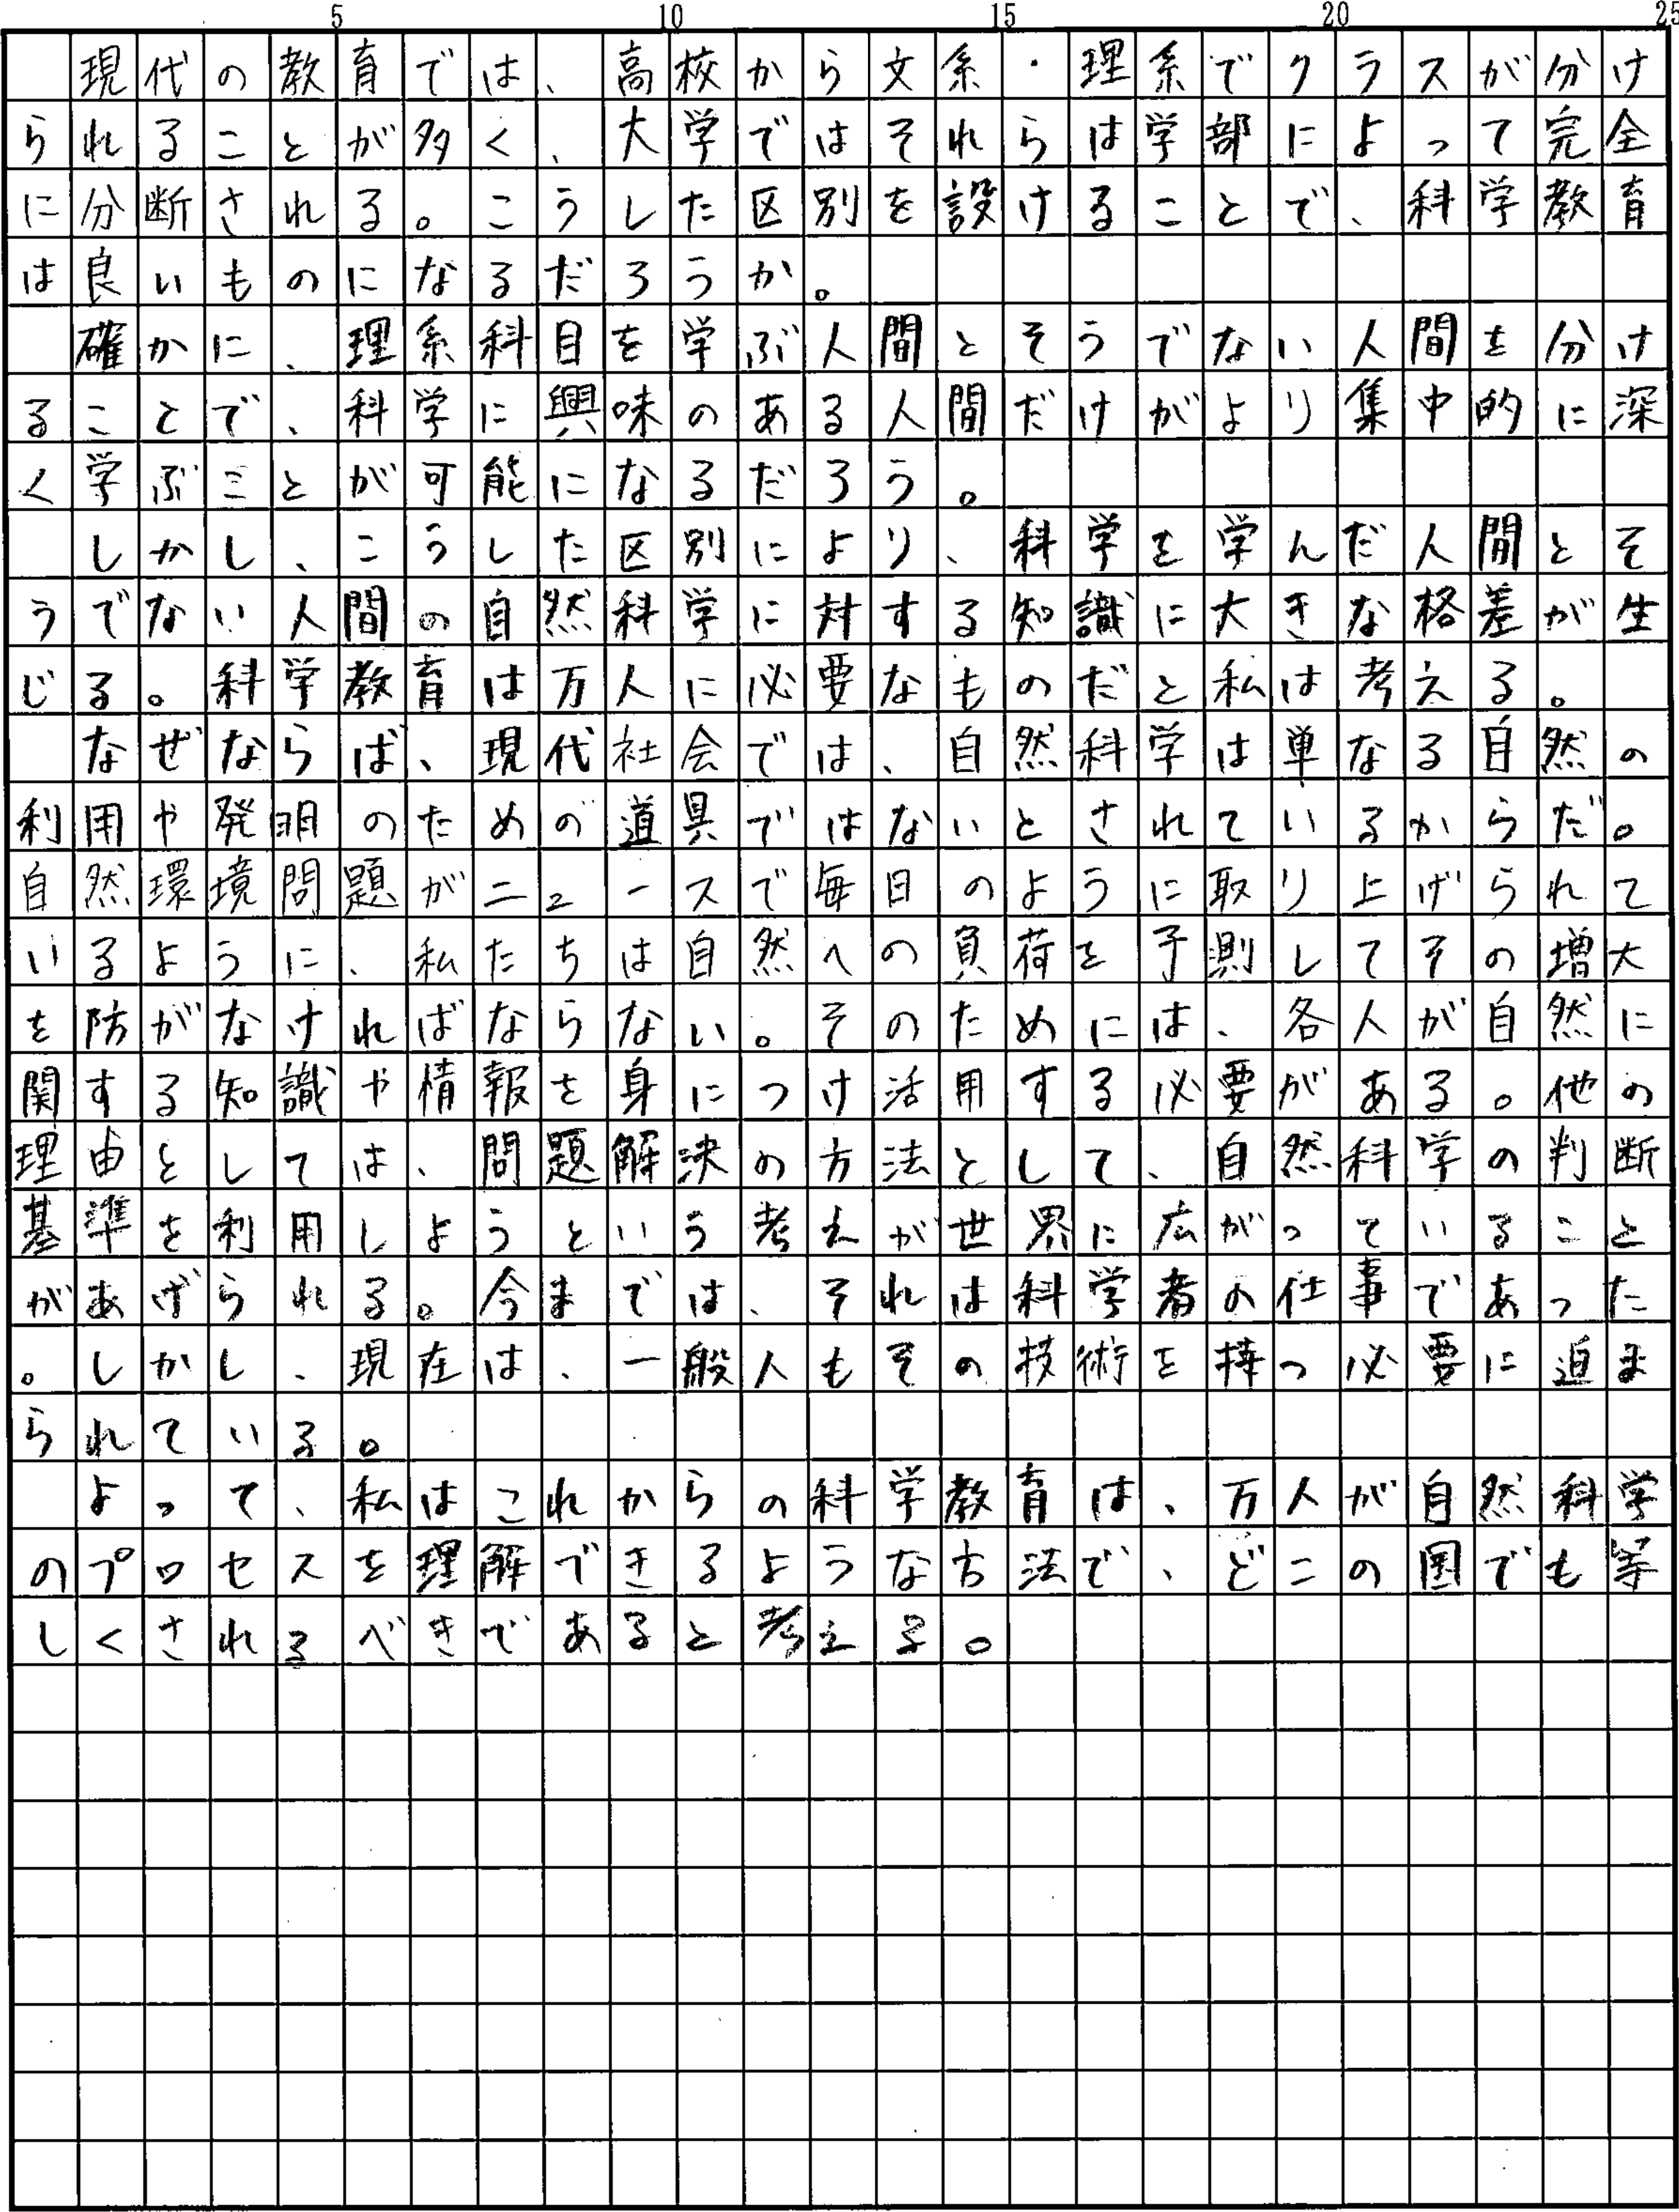　現代の教育では、高校から文系・理系でクラスが分けられることが多く、大学ではそれらは学部によって完全に分断される。こうした区別を設けることで、科学教育は良いものになるだろうか。
　確かに、理系科目を学ぶ人間とそうでない人間を分けることで、科学に興味のある人間だけがより集中的に深く学ぶことが可能になるだろう。
　しかし、こうした区別により、科学を学んだ人間とそうでない人間の自然科学に対する知識に大きな格差が生じる。科学教育は万人に必要なものだと私は考える。
　なぜならば、現代社会では、自然科学は単なる自然の利用や発明のための道具ではないとされているからだ。自然環境問題がニュースで毎日のように取り上げられているように、私たちは自然への負荷を予測してその増大を防がなければならない。そのためには、各人が自然に関する知識や情報を身につけ活用する必要がある。他の理由としては、問題解決の方法として、自然科学の判断基準を利用しようという考えが世界に広がっていることがあげられる。今までは、それは科学者の仕事であった。しかし、現在は、一般人もその技術を持つ必要に迫まられている。
　よって、私はこれからの科学教育は、万人が自然科学のプロセスを理解できるような方法で、どこの国でも等しくされるべきであると考える。
